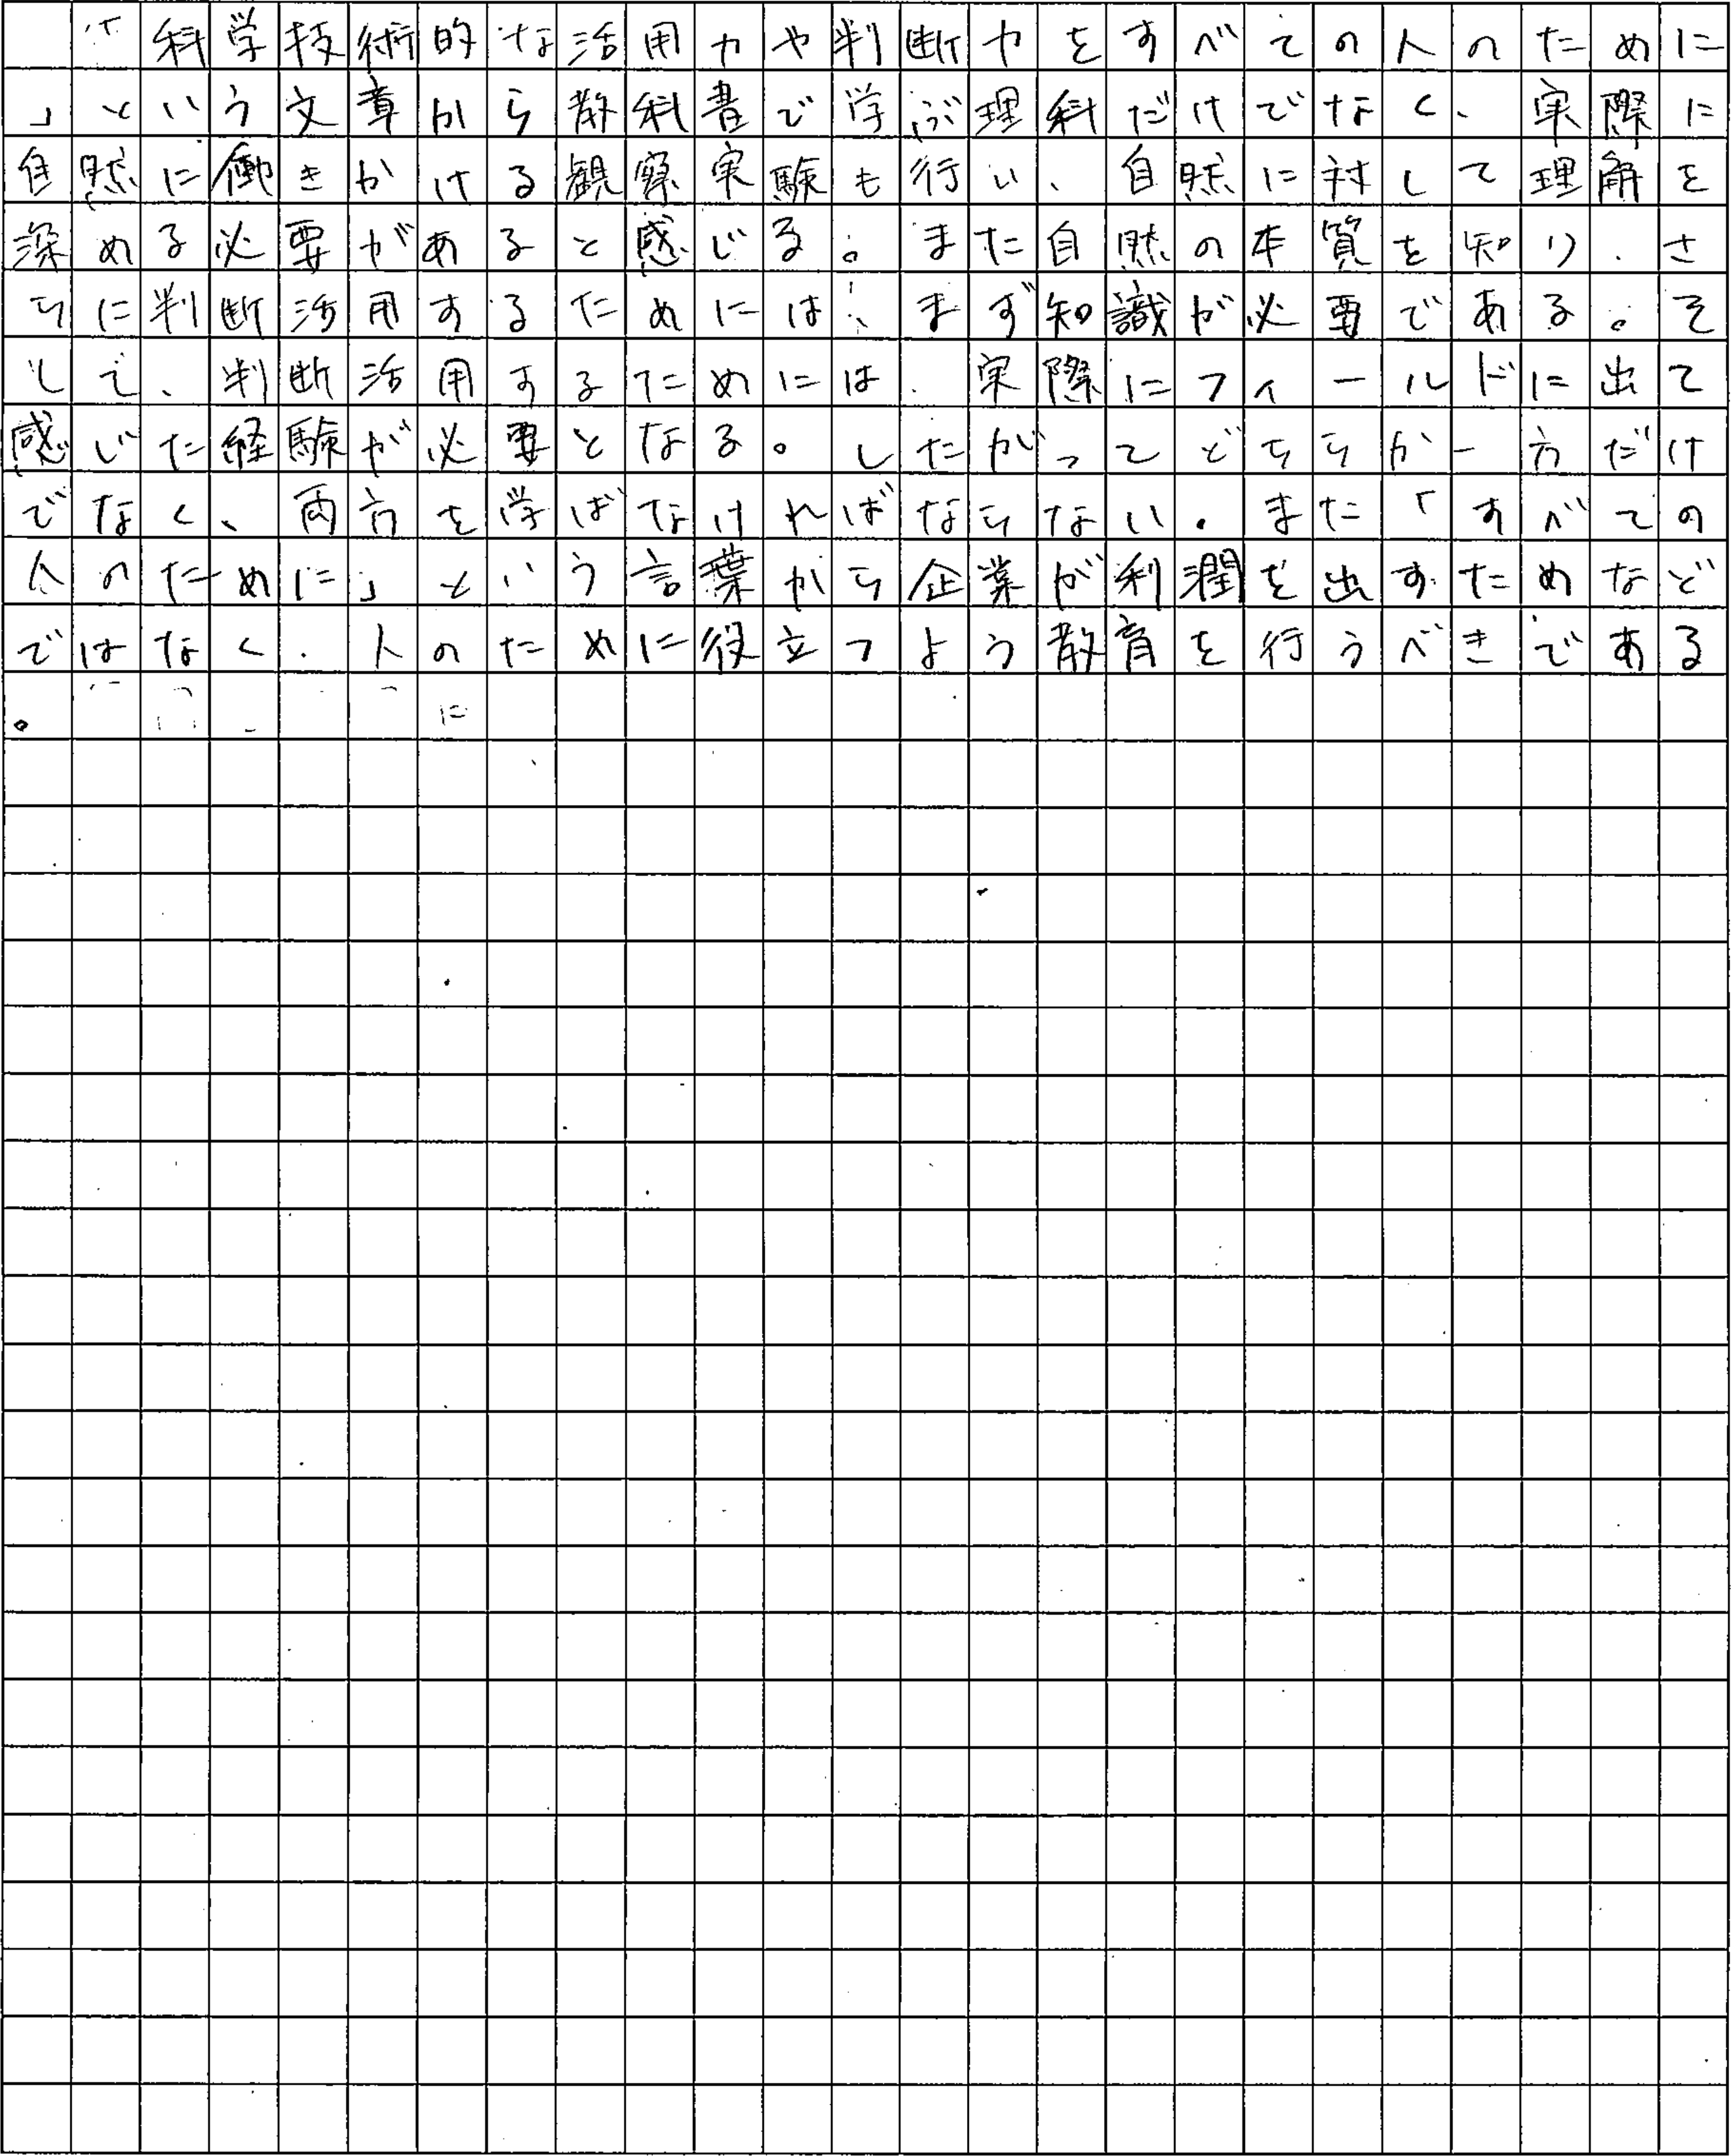　「科学技術的な活用力や判断力をすべての人のために」という文章から教科書で学ぶ理科だけでなく、実際に自然に働きかける観察実験も行い、自然に対して理解を深める必要があると感じる。また自然の本質を知り、さらに判断活用するためには、まず知識が必要である。そして、判断活用するためには、実際にフィールドに出て感じた経験が必要となる。したがってどちらか一方だけでなく、両方を学ばなければならない。また「すべての人のために」という言葉から企業が利潤を出すためなどではなく、人のために役立つよう教育を行うべきである。
